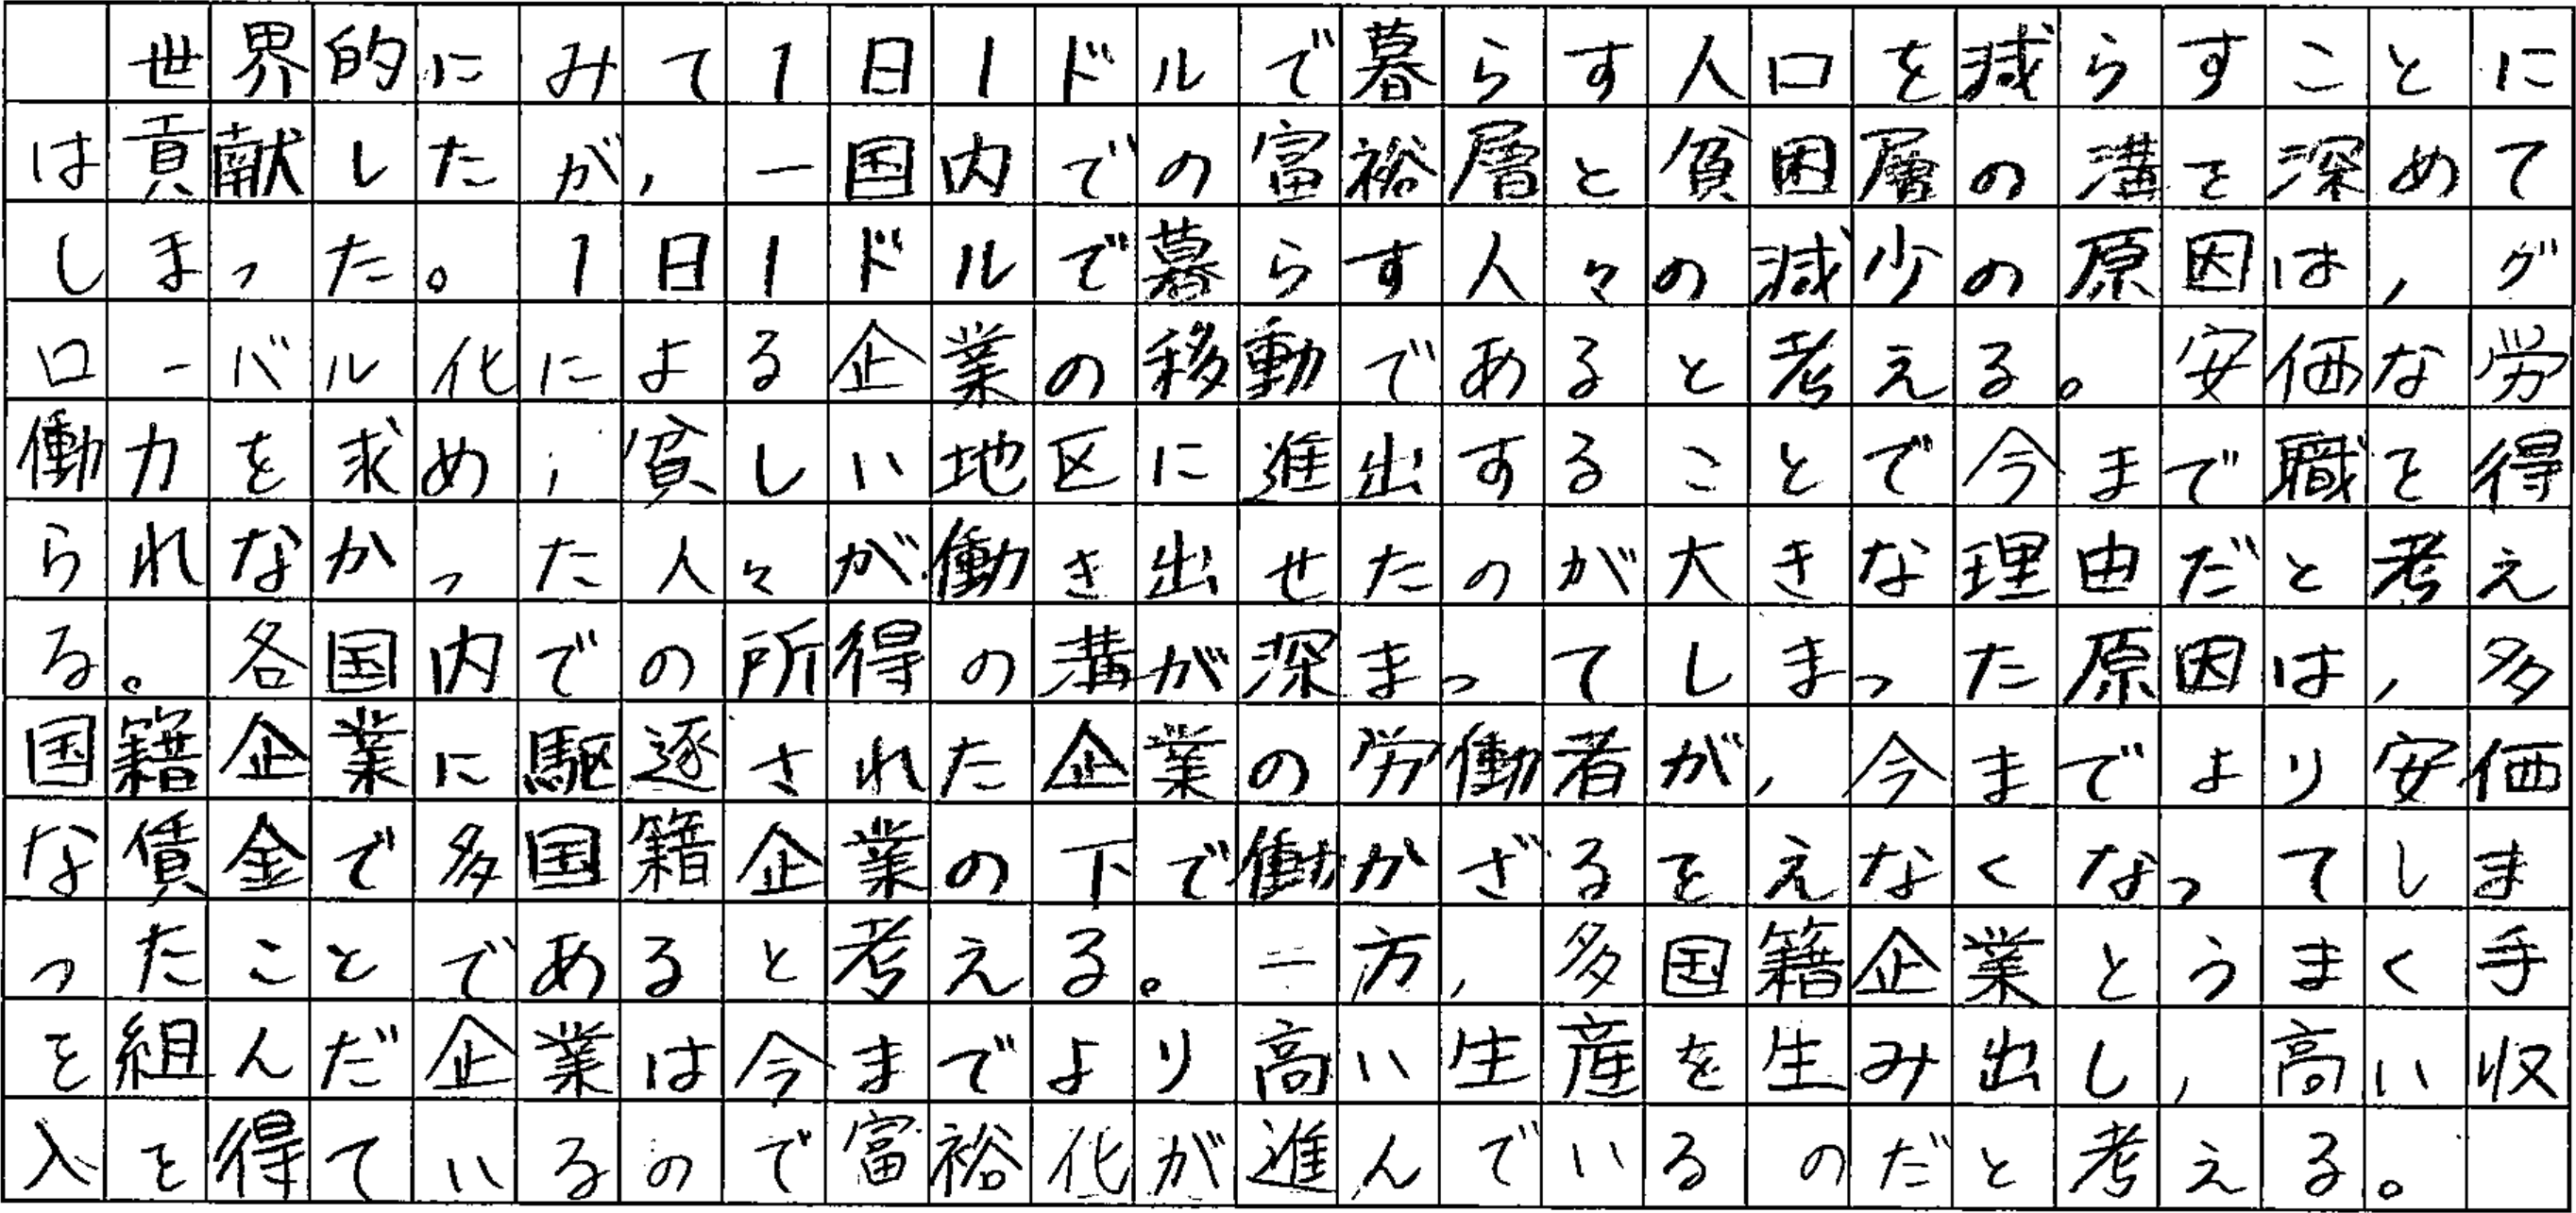　世界的にみて１日１ドルで暮らす人口を減らすことには貢献したが、一国内での富裕層と貧困層との溝を深めてしまった。１日１ドルで暮らす人々の減少の原因は、グローバル化による企業の移動であると考える。安価な労働力を求め、貧しい地区に進出することで今まで職を得られなかった人々が働き出せたのが大きな理由だと考える。各国内での所得の溝が深まってしまった原因は、多国籍企業に駆逐された企業の労働者が、今までより安価な賃金で多国籍企業の下で働かざるをえなくなってしまったことであると考える。一方、多国籍企業とうまく手を組んだ企業は今までより高い生産を生み出し、高い収入を得ているので富裕化が進んでいるのだと考える。
